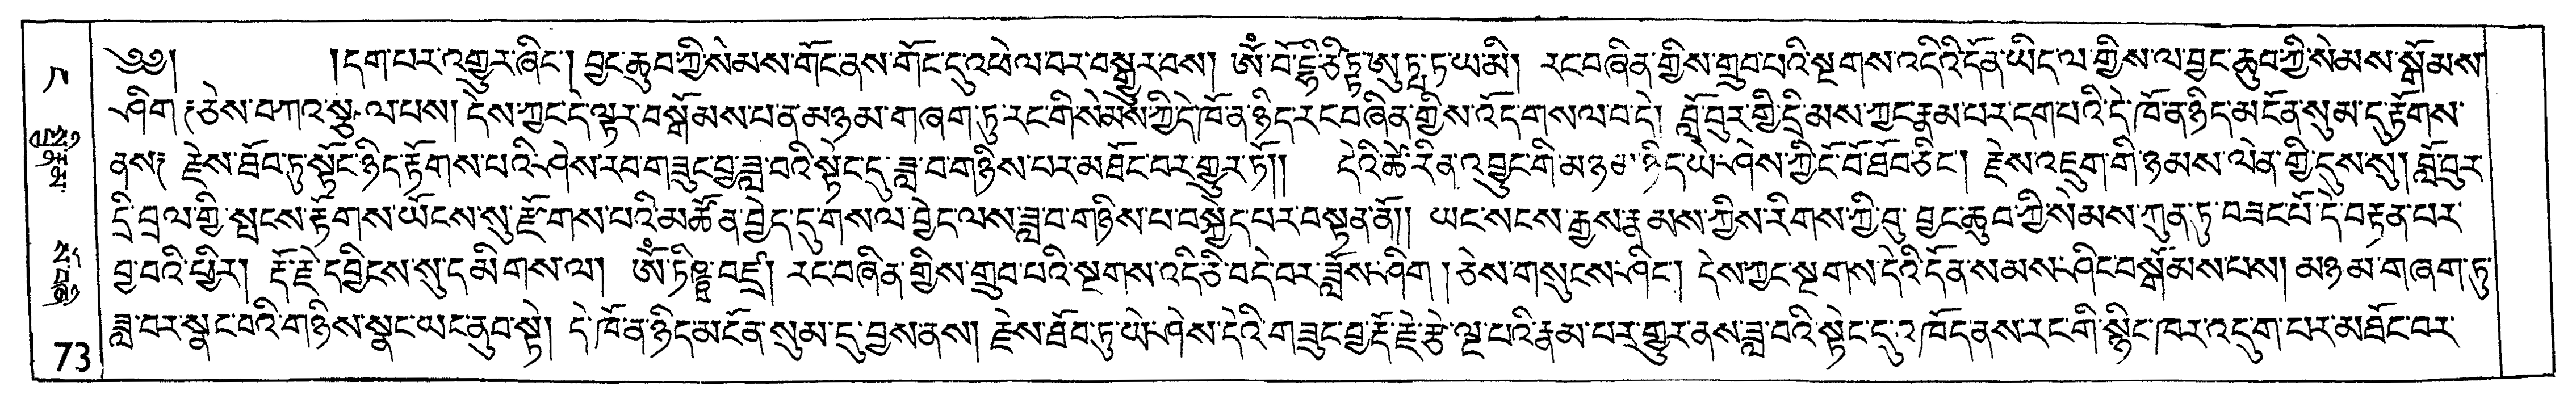༄༅། །དག་པར་འགྱུར་ཞིང་། བྱང་ཆུབ་ཀྱི་སེམས་གོང་ནས་གོང་དུ་འཕེལ་བར་བསྒྱུར་བས། ཨོཾ་བོ་དྷི་ཙིཏྟ་ཨུཏྤ་ཏ་ཡ་མི། རང་བཞིན་གྱིས་གྲུབ་པའི་སྔགས་འདིའི་དོན་ཡིད་ལ་གྱིས་ལ་བྱང་ཆུབ་ཀྱི་སེམས་སྒོམས་
ཤིག །ཅེས་བཀའ་སྩལ་པས། དེས་ཀྱང་དེ་ལྟར་བསྒོམས་པ་ན་མཉམ་གཞག་ཏུ་རང་གི་སེམས་ཀྱི་དེ་ཁོ་ན་ཉིད་རང་བཞིན་གྱིས་འོད་གསལ་བ་དེ། བློ་བུར་གྱི་དྲི་མས་ཀྱང་རྣམ་པར་དག་པའི་དེ་ཁོ་ན་ཉིད་མངོན་སུམ་དུ་རྟོགས་
ནས། རྗེས་ཐོབ་ཏུ་སྟོང་ཉིད་རྟོགས་པའི་ཤེས་རབ་གཟུང་བྱ་ཟླ་བའི་སྟེང་དུ་ཟླ་བ་གཉིས་པར་མཐོང་བར་གྱུར་ཏོ། །དེའི་ཚེ་རིན་འབྱུང་གི་མཉམ་ཉིད་ཡེ་ཤེས་ཀྱི་ངོ་བོ་ཐོབ་ཅིང་། རྗེས་འཇུག་གི་ཉམས་ལེན་གྱི་དུས་སུ། བློ་བུར་
དྲི་བྲལ་གྱི་སྤངས་རྟོགས་ཡོངས་སུ་རྫོགས་པའི་མཚོན་བྱེད་དུ་གསལ་བྱེད་ལས་ཟླ་བ་གཉིས་པ་བསྐྱེད་པར་བསྟན་ནོ། །ཡང་སངས་རྒྱས་རྣམས་ཀྱིས་རིགས་ཀྱི་བུ་བྱང་ཆུབ་ཀྱི་སེམས་ཀུན་ཏུ་བཟང་པོ་དེ་བརྟན་པར་
བྱ་བའི་ཕྱིར། རྡོ་རྗེ་དབྱིངས་སུ་དམིགས་ལ། ཨོཾ་ཏིཥཊཿཨ་བཛྲ། རང་བཞིན་གྱིས་གྲུབ་པའི་སྔགས་འདི་ཅི་བདེ་བར་ཟློས་ཤིག །ཅེས་གསུངས་ཤིང་། དེས་ཀྱང་སྔགས་དེའི་དོན་སམས་ཤིང་བསྒོམས་པས། མཉམ་གཞག་ཏུ་
ཟླ་བར་སྣང་བའི་གཉིས་སྣང་ཡང་ནུབ་སྟེ། དེ་ཁོ་ན་ཉིད་མངོན་སུམ་དུ་བྱས་ནས། རྗེས་ཐོབ་ཏུ་ཡེ་ཤེས་དེའི་གཟུང་བྱ་རྡོ་རྗེ་རྩེ་ལྔ་པའི་རྣམ་པར་གྱུར་ནས་ཟླ་བའི་སྟེང་དུ་འཁོད་ནས་རང་གི་སྙིང་ཁར་འདུག་པར་མཐོང་བར་